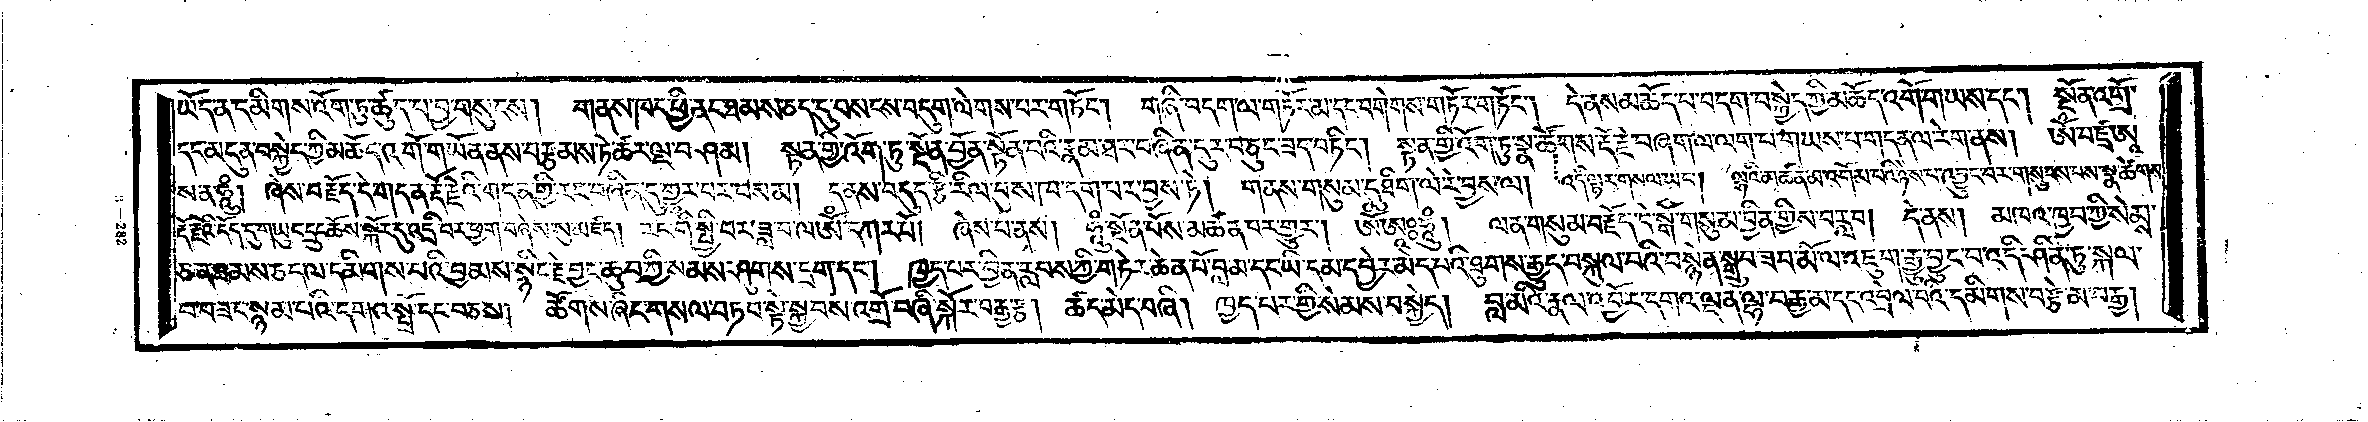ཡོད་ན་དམིགས་འོག་ཏུ་ཚུད་པ་བྱ་གསུངས། གནས་ཁང་ཕྱི་ནང་ཐམས་ཅད་དུ་བསངས་བདུག་ལེགས་པར་གཏོང་། གཞི་བདག་ལ་གཏོར་མ་དང་བགེགས་གཏོར་གཏོང་། དེ་ནས་མཆོད་པ་བདག་བསྐྱེད་ཀྱི་མཆོད་འགོ་གཡས་དང་། སྔོན་འགྲོ་
དང་མདུན་བསྐྱེད་ཀྱི་མཆོད་འགོ་གཡོན་ནས་བརྩམས་ཏེ་ཚར་ལྔ་བཤམ། སྟན་གྱི་འོག་ཏུ་སྔོན་བྱོན་སྟོན་པའི་རྣམ་ཐར་བཞིན་དུར་བ་ཅུང་ཟད་བཏིང་། སྟན་གྱི་འོག་ཏུ་སྣ་ཚོགས་འདི་ལྟར་གསལ་ཡང་།  རྡོ་རྗེ་བཞག་ལ་ལག་པ་གཡས་པ་གདན་ལ་རེག་ནས། ཨོཾ་བཛྲ་ཨཱ་
ས་ན་ཧཱུཾ། ཞེས་བརྗོད་དེ་གདན་རྡོ་རྗེའི་གདན་གྱི་རང་བཞིན་དུ་གྱུར་པར་བསམ། ད་ནས་བདུད་རྩི་རིལ་པུས་ཁ་དག་པར་བྱས་ཏེ། གནས་གསུམ་དུ་ཐིག་ལེ་རེ་བྱས་ལ། ལྷའི་མཚན་མ་འགོམ་པའི་ཉེས་པ་འབྱུང་བར་གསུངས་པས་སྣ་ཚོགས་
རྡོ་རྗེའི་དོད་དུ་གཡུང་དྲུང་ཆོས་སྐོར་དུ་འདྲི་བར་ཕྱག་བཞེས་སུ་མཛད། རང་གི་སྤྱི་བར་ཟླ་བ་ལ་ཨོཾ་དཀར་པོ། ཞེས་པ་ནས། ཧཱུཾ་སྔོན་པོས་མཚན་པར་གྱུར། ཨོཾ་ཨཱཿཧཱུཾ། ལན་གསུམ་བརྗོད་དེ་སྒོ་གསུམ་བྱིན་གྱིས་བརླབ། དེ་ནས། མཁའ་ཁྱབ་ཀྱི་སེམས་
ཅན་ཐམས་ཅད་ལ་དམིགས་པའི་བྱམས་སྙིང་རྗེ་བྱང་ཆུབ་ཀྱི་སེམས་ཤུགས་དྲག་དང་། ཁྱད་པར་བྱིན་རླབས་ཀྱི་གཏེར་ཆེན་པོ་བླ་མ་དང་ཡི་དམ་དབྱེར་མེད་པའི་ཐུགས་རྒྱུད་བསྐུལ་བའི་བསྙེན་སྒྲུབ་ཟབ་མོ་ལ་འཇུག་རྒྱུ་བྱུང་བ་འདི་ཤིན་ཏུ་སྐལ་
བ་བཟང་སྙམ་པའི་དགའ་སྤྲོ་དང་བཅས། ཚོགས་ཞིང་གསལ་བཏབ་སྟེ་སྐྱབས་འགྲོ་བཞི་སྐོར་བརྒྱ་རྩ། ཚད་མེད་བཞི། ཁྱད་པར་གྱི་སེམས་བསྐྱེད། བླ་མའི་རྣལ་འབྱོར་དགའ་ལྡན་ལྷ་བརྒྱ་མ་དང་འབྲེལ་བའི་དམིགས་བརྩེམ་བརྒྱ།